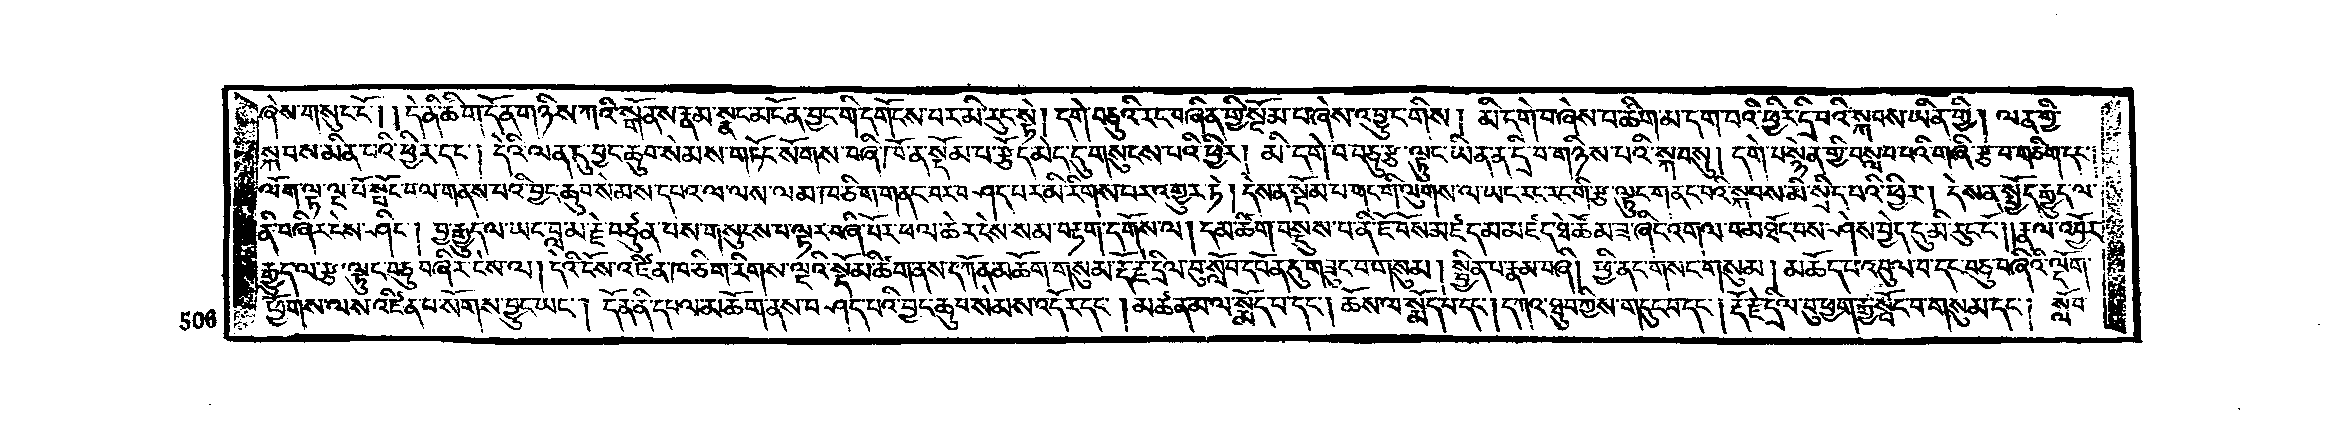ཞེས་གསུང་ངོ། །དེ་ནི་ཚིག་དོན་གཉིས་ཀའི་སྒོ་ནས་རྣམ་སྣང་མངོན་བྱང་གི་དགོངས་པར་མི་རུང་སྟེ། དགེ་བཅུའི་རང་བཞིན་གྱི་སྡོམ་པ་ཞེས་འབྱུང་གིས། མི་དགེ་བ་ཞེས་པ་ཚིག་མ་དག་པའི་ཕྱིར་དྲི་བའི་སྐབས་ཡིན་གྱི། ལན་གྱི་
སྐབས་མིན་པའི་ཕྱིར་དང་། དེའི་ལན་དུ་བྱང་ཆུབ་སེམས་གཏོང་སོགས་བཞི་ཁོ་ན་སྡོམ་པ་རྩོད་མེད་དུ་གསུངས་པའི་ཕྱིར། མི་དགེ་བ་བཅུ་རྩ་ལྟུང་ཡིན་ན་དྲི་བ་གཉིས་པའི་སྐབས་སུ། དགེ་བསྙེན་གྱི་བསླབ་པའི་གཞི་རྩ་བ་གཅིག་དང་།
ལོག་ལྟ་ལྔ་པོ་སྤོང་བ་ལ་གནས་པའི་བྱང་ཆུབ་སེམས་དཔའ་ལ་ལས་ལམ་ཁ་ཅིག་གནང་བར་བཤད་པར་མི་རིགས་པར་འགྱུར་ཏེ། དེས་ན་སྡོམ་པ་གང་གི་ལུགས་ལ་ཡང་རང་རང་གི་རྩ་ལྟུང་གནང་བའི་སྐབས་མི་སྲིད་པའི་ཕྱིར། དེས་ན་སྤྱོད་རྒྱུད་ལ་
ནི་བཞིར་ངེས་ཤིང་། བྱ་རྒྱུད་ལ་ཡང་བླ་མ་རྗེ་བཙུན་པས་གསུངས་པ་ལྟར་བཞི་པོར་ཕལ་ཆེར་ངེས་སམ་བརྟག་དགོས་ལ། དམ་ཚིག་བསྡུས་པ་ནི་ཇོ་བོས་མཛད་མ་མཛད་ཐེ་ཚོམ་ཟ་ཞིང་འགལ་བ་མཐོང་བས་ཤེས་བྱེད་དུ་མི་རུང་ངོ། །རྣལ་འབྱོར་
རྒྱུད་ལ་རྩ་ལྟུང་བཅུ་བཞིར་ངེས་ལ། དེའི་ངོས་འཛིན་ཁ་ཅིག་རིགས་ལྔའི་སྡོམ་ཚིག་ནས་དཀོན་མཆོག་གསུམ་རྡོ་རྗེ་དྲིལ་བུ་སློབ་དཔོན་དུ་གཟུང་བ་གསུམ། སྦྱིན་པ་རྣམ་བཞི། ཕྱི་ནང་གསང་གསུམ། མཆོད་པ་འབུལ་བ་དང་བཅུ་བཞིའི་ལྡོག་
ཕྱོགས་ལས་འཛིན་པ་སོགས་བྱུང་ཡང་། དོན་ནི་དཔལ་མཆོག་ནས་བཤད་པའི་བྱང་ཆུབ་སེམས་འདོར་དང་། མཚན་མ་ལ་སྨོད་པ་དང་། ཆོས་ལ་སྨོད་པ་དང་། དཀའ་ཐུབ་ཀྱིས་གདུང་བ་དང་། རྡོ་རྗེ་དྲིལ་བུ་ཕྱག་རྒྱ་སྤོང་བ་གསུམ་དང་། སློབ་